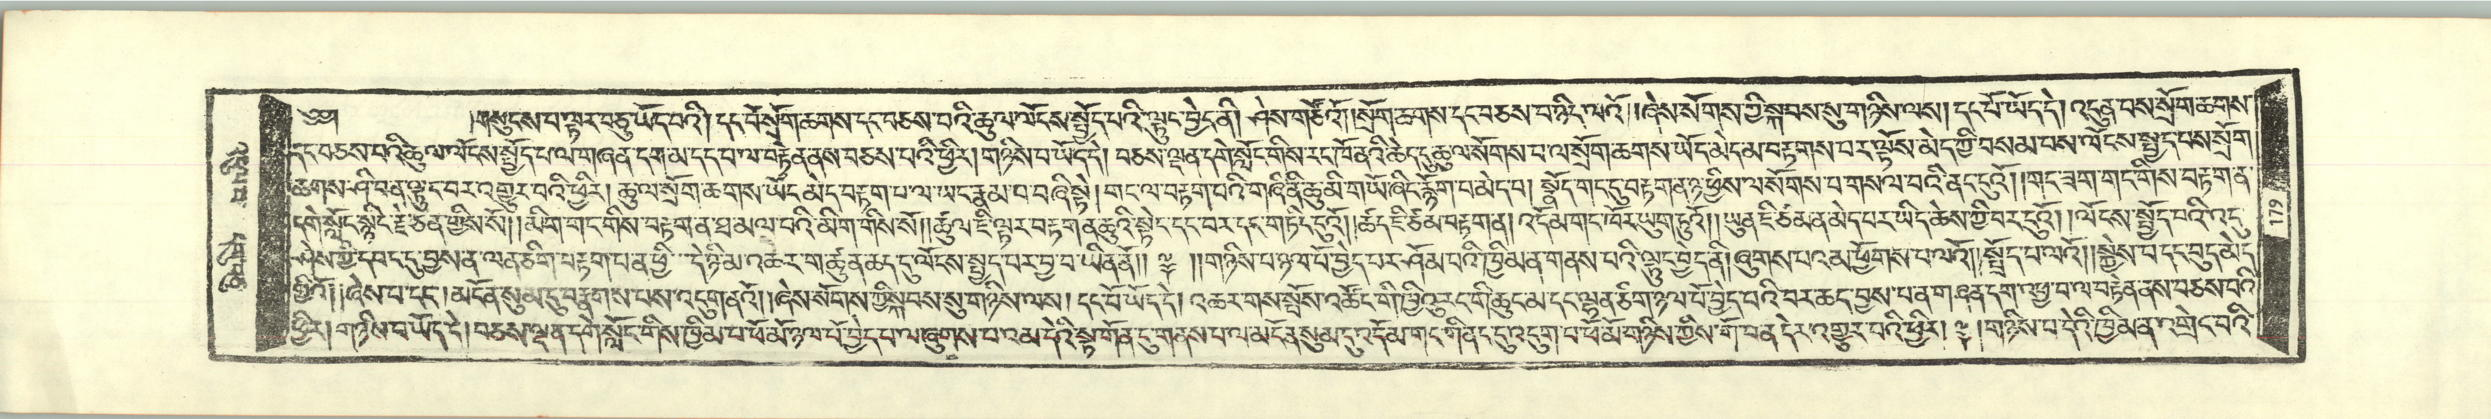༄༅། །གསུངས་པ་ལྟར་བཅུ་ཡོད་བའི། དང་པོ་སྲོག་ཆགས་དང་བཅས་པའི་ཆུ་ལ་ལོངས་སྤྱོད་པའི་ལྟུང་བྱེད་ནི། ཤེས་གཙོའོ། །སྲོག་ཆགས་དང་བཅས་པ་ཉིད་ལའོ། །ཞེས་སོགས་ཀྱི་སྐབས་སུ་གཉིས་ལས། དང་པོ་ཡོད་དེ། འདུན་པས་སྲོག་ཆགས་
དང་བཅས་པའི་ཆུ་ལ་ལོངས་སྤྱོད་པ་ལ་གཞན་དག་མ་དད་པ་ལ་བརྟེན་ནས་བཅས་པའི་ཕྱིར། གཉིས་པ་ཡོད་དེ། བཅས་ལྡན་དགེ་སློང་གིས་རང་ཁོ་ནའི་ཆེད་དུ་ཆུ་ལ་སོགས་པ་ལ་སྲོག་ཆགས་ཡོད་མེད་མ་བརྟགས་པར་ལྟོས་མེད་ཀྱི་བསམ་པས་ལོངས་སྤྱད་པས་སྲོག་
ཆགས་ཤི་བ་ན་ལྟུང་བར་འགྱུར་བའི་ཕྱིར། ཆུ་ལ་སྲོག་ཆགས་ཡོད་མེད་བརྟག་པ་ལ་ཡང་རྣམ་པ་བཞི་སྟེ། གང་ལ་བརྟག་པའི་གཞི་ནི་ཆུ་མི་གཡོ་ཞིང་རྙོག་པ་མེད་པ། སྣོད་གང་དུ་བརྟག་ན་ཉ་ཕྱིས་ལ་སོགས་པ་གསལ་བའི་ནང་དུའོ། །གང་ཟག་གང་གིས་བརྟག་ན་
དགེ་སློང་སྙིང་རྗེ་ཅན་གྱིས་སོ། །མིག་གང་གིས་བརྟག་ན་ཐ་མལ་བའི་མིག་གིས་སོ། །ཚུལ་ཇི་ལྟར་བརྟག་ན་ཆུའི་སྟེང་དང་བར་དང་གཏིང་དུའོ། །ཚད་ཇི་ཙམ་བརྟག་ན། འདོམ་གང་ཁོར་ཡུག་ཏུའོ། །ཡུན་ཇི་ཙམ་ན་མེད་པར་ཡིད་ཆེས་ཀྱི་བར་དུའོ། །ལོངས་སྤྱོད་པའི་འདུ་
ཤེས་ཀྱི་དབང་དུ་བྱས་ན་ལན་ཅིག་བརྟག་པ་ན་ཕྱི་དེ་ཉི་མ་འཆར་ག་ཚུན་ཆད་དུ་ལོངས་སྤྱད་པར་བྱ་བ་ཡིན་ནོ།། ༈ །།གཉིས་པ་ཉལ་པོ་བྱེད་པར་ཤོམ་པའི་ཁྱིམ་ན་གནས་པའི་ལྟུང་བྱེད་ནི། ཞུགས་པའམ་ཕྱོགས་པ་ལའོ། །སྤྲོད་པ་ལའོ། །སྐྱེས་པ་དང་བུད་མེད་
གྱིའོ། །ཞེས་པ་དང་། མངོན་སུམ་དུ་བརྣགས་པས་འདུག་ནའོ། །ཞེས་སོགས་ཀྱི་སྐབས་སུ་གཉིས་ལས། དང་པོ་ཡོད་དེ། འཆར་གས་སྤོས་འཚོང་གི་ཁྱིའུ་རང་གི་ཆུད་མ་དང་ལྷན་ཅིག་ཉལ་པོ་བྱེད་པའི་བར་ཆད་བྱས་པ་ན་གཞན་དག་འཕྱ་བ་ལ་བརྟེན་ནས་བཅས་པའི་
ཕྱིར། གཉིས་པ་ཡོད་དེ། བཅས་ལྡན་དགེ་སློང་གིས་ཁྱིམ་པ་ཕོ་མོ་ཉལ་པོ་བྱེད་པ་ལ་ཞུགས་པ་འམ་དེའི་སྟ་གོན་དུ་གནས་པ་ལ་མངོན་སུམ་དུ་འདོམ་གང་གི་ནང་དུ་འདུག་པ་ཕོ་མོ་གཉིས་ཀྱིས་གོ་བ་ན་དེར་འགྱུར་བའི་ཕྱིར། ༈ །གཉིས་པ་དེའི་ཁྱིམ་ན་འགྲེང་བའི་